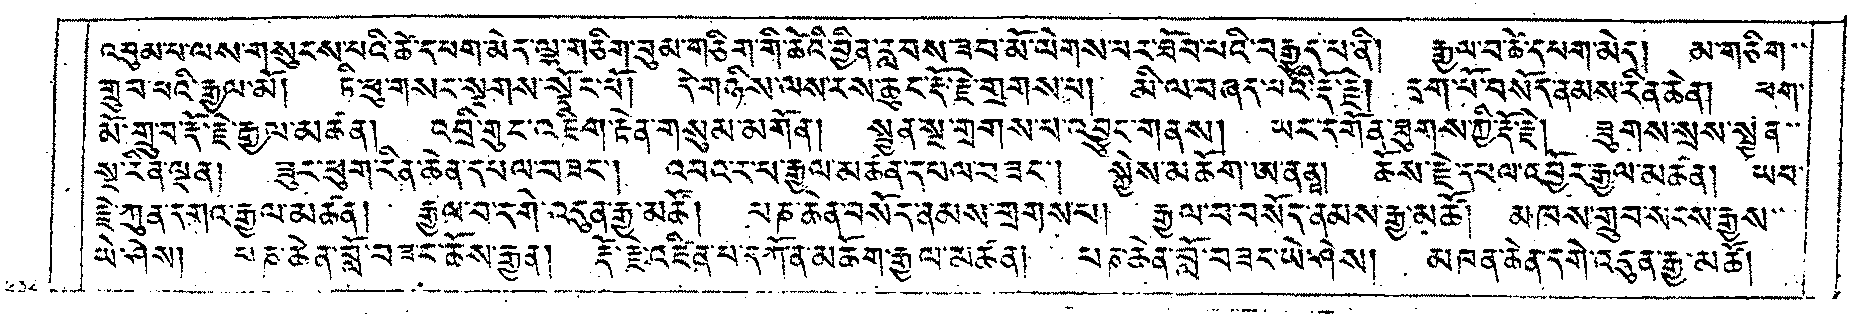འབུམ་པ་ལས་གསུངས་པའི་ཚེ་དཔག་མེད་ལྷ་གཅིག་བུམ་གཅིག་གི་ཚེའི་བྱིན་རླབས་ཟབ་མོ་ལེགས་པར་ཐོབ་པའི་བརྒྱུད་པ་ནི། རྒྱལ་བ་ཚེ་དཔག་མེད། མ་གཅིག་
གྲུབ་པའི་རྒྱལ་མོ། ཏི་ཕུ་གསང་སྔགས་སྡོང་པོ། དེ་གཉིས་ལས་རས་ཆུང་རྡོ་རྗེ་གྲགས་པ། མི་ལ་བཞད་པའི་རྡོ་རྗེ། དྲག་པོ་བསོད་ནམས་རིན་ཆེན། ཕག་
མོ་གྲུ་བ་རྡོ་རྗེ་རྒྱལ་མཚན། འབྲི་གུང་འཇིག་རྟེན་གསུམ་མགོན། སྤྱན་སྔ་གྲགས་པ་འབྱུང་གནས། ཡང་དགོན་ཐུགས་ཀྱི་རྡོ་རྗེ། ཐུགས་སྲས་སྤྱན་
སྔ་རིན་ལྡན། ཟུར་ཕུག་རིན་ཆེན་དཔལ་བཟང་། འབའ་ར་པ་རྒྱལ་མཚན་དཔལ་བཟང་། སྐྱེས་མཆོག་ཨ་ནནྟ། ཆོས་རྗེ་དཔལ་འབྱོར་རྒྱལ་མཚན། ཡབ་
རྗེ་ཀུན་དགའ་རྒྱལ་མཚན། རྒྱལ་བ་དགེ་འདུན་རྒྱ་མཚོ། པཎ་ཆེན་བསོད་ནམས་གྲགས་པ། རྒྱལ་བ་བསོད་ནམས་རྒྱ་མཚོ། མཁས་གྲུབ་སངས་རྒྱས་
ཡེ་ཤེས། པཎ་ཆེན་བློ་བཟང་ཆོས་རྒྱན། རྡོ་རྗེ་འཛིན་པ་དཀོན་མཆོག་རྒྱལ་མཚན། པཎ་ཆེན་བློ་བཟང་ཡེ་ཤེས། མཁན་ཆེན་དགེ་འདུན་རྒྱ་མཚོ།